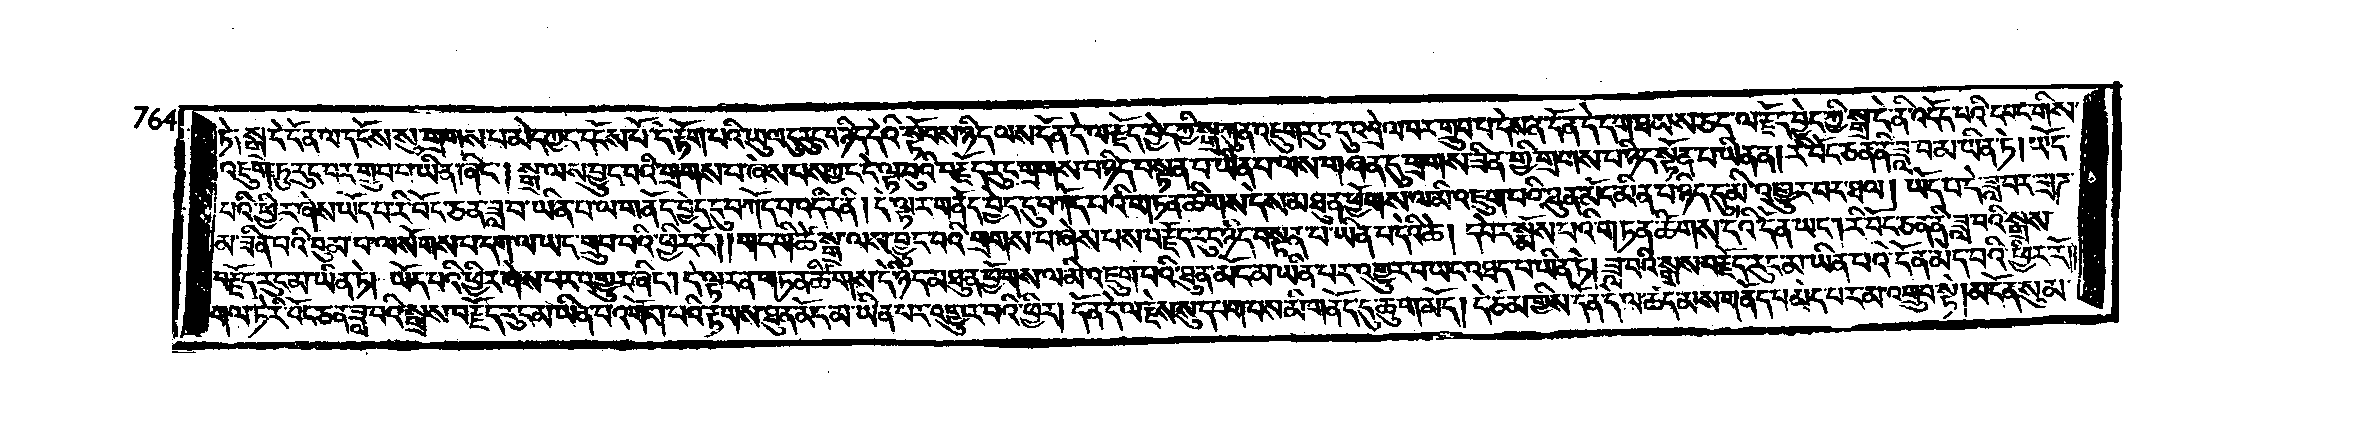ཏེ། སྒྲ་དེ་དོན་ལ་དངོས་སུ་གྲགས་པ་མེད་ཀྱང་དངོས་པོ་དེ་རྟོག་པའི་ཡུལ་དུ་རུང་བ་ཉིད་དེའི་སྟོབས་ཉིད་ལས་དོན་དེ་ལ་རྗོད་བྱེད་ཀྱི་སྒྲ་ཀུན་འཇུག་རུང་དུ་འབྲེལ་བར་གྲུབ་པ་དེས་ན་དོན་དེ་དག་ཐམས་ཅད་ལ་རྗོད་བྱེད་ཀྱི་སྒྲ་དེ་ནི་འདོད་པའི་དབང་གིས་
འཇུག་ཏུ་རུང་བར་གྲུབ་པ་ཡིན་ཞིང་། སྒྲ་ལས་བྱུང་བའི་གྲགས་པ་ཞེས་པས་ཀྱང་དེ་ལྟ་བུའི་བརྗོད་རུང་གྲགས་པ་ཉིད་བསྟན་པ་ཡིན་པ་ལས་གཞན་དུ་གྲགས་ཟིན་གྱི་གྲགས་པ་ཉིད་སྟོན་པ་ཡིན་ན། རི་བོང་ཅན་ནི་ཟླ་བ་མ་ཡིན་ཏེ། ཡོད་
པའི་ཕྱིར་ཞེས་ཡོད་པ་རི་བོང་ཅན་ཟླ་བ་ཡིན་པ་ལ་གནོད་བྱེད་དུ་བཀོད་པ་འདིར་ནི། དེ་ལྟར་གནོད་བྱེད་དུ་བཀོད་པའི་གཏན་ཚིགས་དེས་མཐུན་ཕྱོགས་ལ་མི་འཇུག་པའི་ཐུན་མོང་མིན་པ་ཉིད་དུ་མི་འགྱུར་བར་ཐལ། ཡོད་པ་དེ་ཟླ་བར་གྲགས་
མ་ཟིན་པའི་བུམ་པ་ལ་སོགས་པ་དག་ལ་ཡང་གྲུབ་པའི་ཕྱིར་རོ། །གང་གི་ཚེ་སྒྲ་ལས་བྱུང་བའི་གྲགས་པ་ཞེས་པས་བརྗོད་རུང་ཉིད་བསྟན་པ་ཡིན་པ་དེའི་ཚེ། དཔེར་སྨོས་པའི་གཏན་ཚིགས་དེའི་དོན་ཡང་། རི་བོང་ཅན་ནི་ཟླ་བའི་སྒྲས་
བརྗོད་རུང་མ་ཡིན་ཏེ། ཡོད་པའི་ཕྱིར་ཞེས་པར་འགྱུར་ཞིང་། དེ་ལྟར་ན་གཏན་ཚིགས་དེ་ཉིད་མཐུན་ཕྱོགས་ལ་མི་འཇུག་པའི་ཐུན་མོང་མ་ཡིན་པར་འགྱུར་བ་ཡང་འཐད་པ་ཡིན་ཏེ། ཟླ་བའི་སྒྲས་བརྗོད་རུང་མ་ཡིན་པའི་དོན་མེད་པའི་ཕྱིར་རོ། །
གལ་ཏེ་རི་བོང་ཅན་ཟླ་བའི་སྒྲས་བརྗོད་རུང་མ་ཡིན་པ་འགོག་པའི་རྟགས་ཐུན་མོང་མ་ཡིན་པར་འགྱུར་བའི་ཕྱིར། དོན་དེ་ལ་རྗེས་སུ་དཔག་པས་མི་གནོད་དུ་ཆུག་མོད། དེ་ཙམ་གྱིས་དོན་དེ་ལ་ཚད་མས་གནོད་པ་མེད་པར་མ་འགྲུབ་སྟེ། མངོན་སུ་